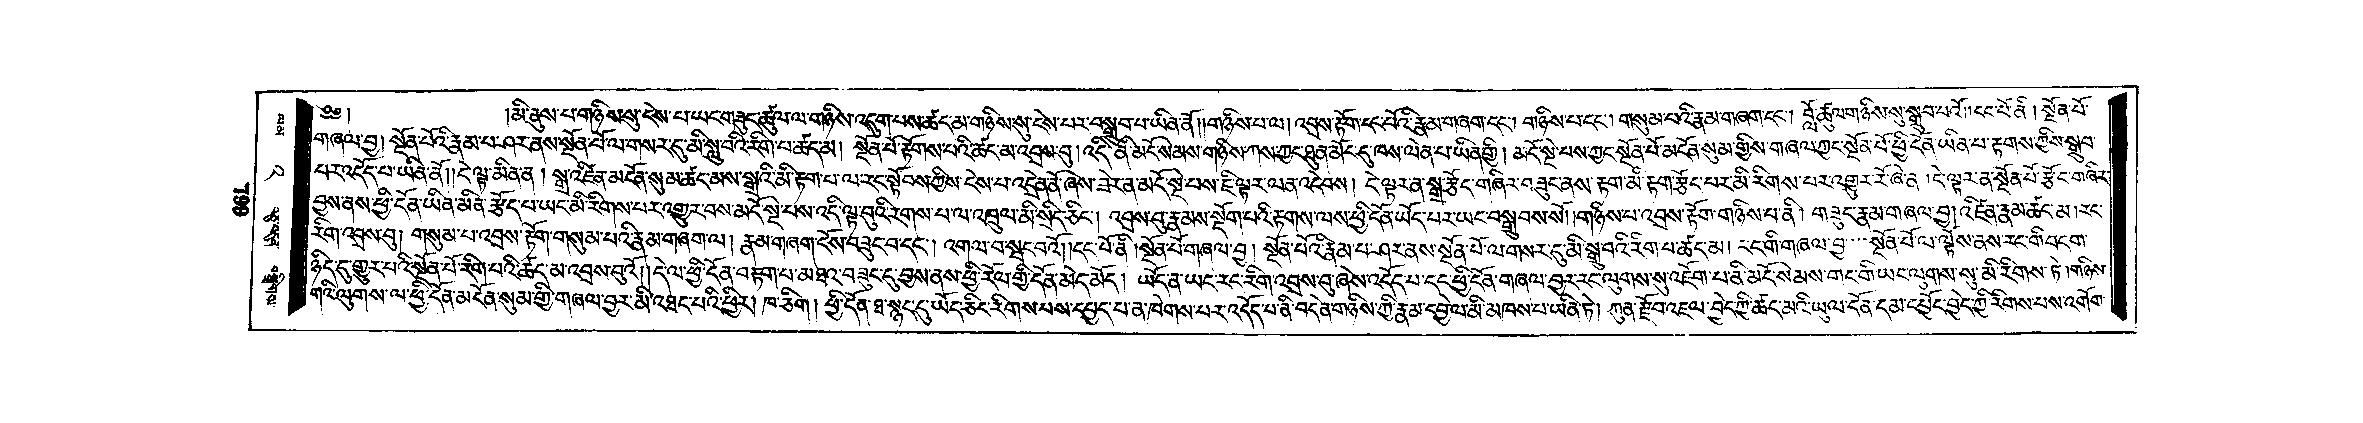༄༅། །མི་ནུས་པ་གཉིས་སུ་ངེས་པ་ཡང་གཟུང་ཚུལ་ལ་གཉིས་འདུག་པས་ཚད་མ་གཉིས་སུ་ངེས་པར་བསྒྲུབ་པ་ཡིན་ནོ། །གཉིས་པ་ལ། འབྲས་རྟོག་དང་པོའི་རྣམ་གཞག་དང་། གཉིས་པ་དང་། གསུམ་པའི་རྣམ་གཞག་དང་། བློ་ཚུལ་གཉིས་སུ་སྒྲུབ་པའོ། །དང་པོ་ནི། སྔོན་པོ་
གཞལ་བྱ། སྔོན་པོའི་རྣམ་པ་ཤར་ནས་སྔོན་པོ་ལ་གསར་དུ་མི་སླུ་བའི་རིག་པ་ཚད་མ། སྔོན་པོ་རྟོགས་པའི་ཚད་མ་འབྲས་བུ། འདི་ནི་མདོ་སེམས་གཉིས་ཀས་ཀྱང་ཐུན་མོང་དུ་ཁས་ལེན་པ་ཡིན་གྱི། མདོ་སྡེ་པས་ཀྱང་སྔོན་པོ་མངོན་སུམ་གྱིས་གཞལ་ཀྱང་སྔོན་པོ་ཕྱི་དོན་ཡིན་པ་རྟགས་ཀྱིས་སྒྲུབ་
པར་འདོད་པ་ཡིན་ནོ། །དེ་ལྟ་མིན་ན། སྒྲ་འཛིན་མངོན་སུམ་ཚད་མས་སྒྲའི་མི་རྟག་པ་ལ་རང་སྟོབས་ཀྱིས་ངེས་པ་འདྲེན་ནོ་ཞེས་ཟེར་ན་མདོ་སྡེ་པས་ཇི་ལྟར་ལན་འདེབས། དེ་ལྟར་ན་སྒྲ་རྩོད་གཞིར་བཟུང་ནས་རྟག་མི་རྟག་རྩོད་པར་མི་རིགས་པར་འགྱུར་རོ་ཞེ་ན། དེ་ལྟར་ན་སྔོན་པོ་རྩོད་གཞིར་
བྱས་ནས་ཕྱི་དོན་ཡིན་མིན་རྩོད་པ་ཡང་མི་རིགས་པར་འགྱུར་བས་མདོ་སྡེ་པས་འདི་ལྟ་བུའི་རགས་པ་ལ་འཁྲུལ་མི་སྲིད་ཅིང་། འབྲས་བུ་རྣམས་སྡོག་པའི་རྟགས་ལས་ཕྱི་དོན་ཡོད་པར་ཡང་བསྒྲུབས་སོ། །གཉིས་པ་འབྲས་རྟོག་གཉིས་པ་ནི། གཟུང་རྣམ་གཞལ་བྱ། འཛིན་རྣམ་ཚང་མ། རང་
རིག་འབྲས་བུ། གསུམ་པ་འབྲས་རྟོག་གསུམ་པའི་རྣམ་གཞག་ལ། རྣམ་གཞག་ངོས་བཟུང་བ་དང་། འགལ་བ་སྦང་བའོ། །དང་པོ་ནི། སྔོན་པོ་གཞལ་བྱ། སྔོན་པོའི་རྣམ་པ་ཤར་ནས་སྔོན་པོ་ལ་གསར་དུ་མི་སྒྲུ་བའི་རིག་པ་ཚད་མ། རང་གི་གཞལ་བྱ་སྔོན་པོ་ལ་ལྟོས་ནས་རང་གི་བདག་
ཉིད་དུ་གྱུར་པའི་སྔོན་པོ་རིག་ཚད་མ་འབྲས་བུའོ། །དེ་ལ་ཕྱི་དོན་བརྟག་པ་མཐའ་བཟུང་དུ་བྱས་ནས་ཕྱི་རོལ་གྱི་དོན་མེད་མོད། ཡོད་ན་ཡང་རང་རིག་འབྲས་བུ་ཞེས་འདོད་པ་དནབག་ཕྱི་དོན་གཞལ་བྱར་རང་ལུགས་སུ་འཇོག་པ་ནི་མདོ་སེམས་གང་གི་ཡང་ལུགས་སུ་མི་རིགས་ཏེ། གཉིས་
གའི་ལུགས་ལ་ཕྱི་དོན་མངོན་སུམ་གྱི་གཞལ་བར་མི་འཐད་པའི་ཕྱིར། ཁ་ཅིག །ཕྱི་དོན་ཐ་སྙད་དུ་ཡོད་ཅིང་རིགས་པས་དཔྱད་པ་ན་ཁེགས་པར་འདོད་པ་ནི་བདེན་གཉིས་ཀྱི་རྣམ་དབྱེ་ལ་མི་མཁས་པ་ཡིན་ཏེ། ཀུན་རྫོབ་འཇལ་བྱེད་ཀྱི་ཚད་མའི་ཡུལ་དོན་དམ་དཔྱོད་བྱེད་ཀྱི་རིགས་པས་འགོག་